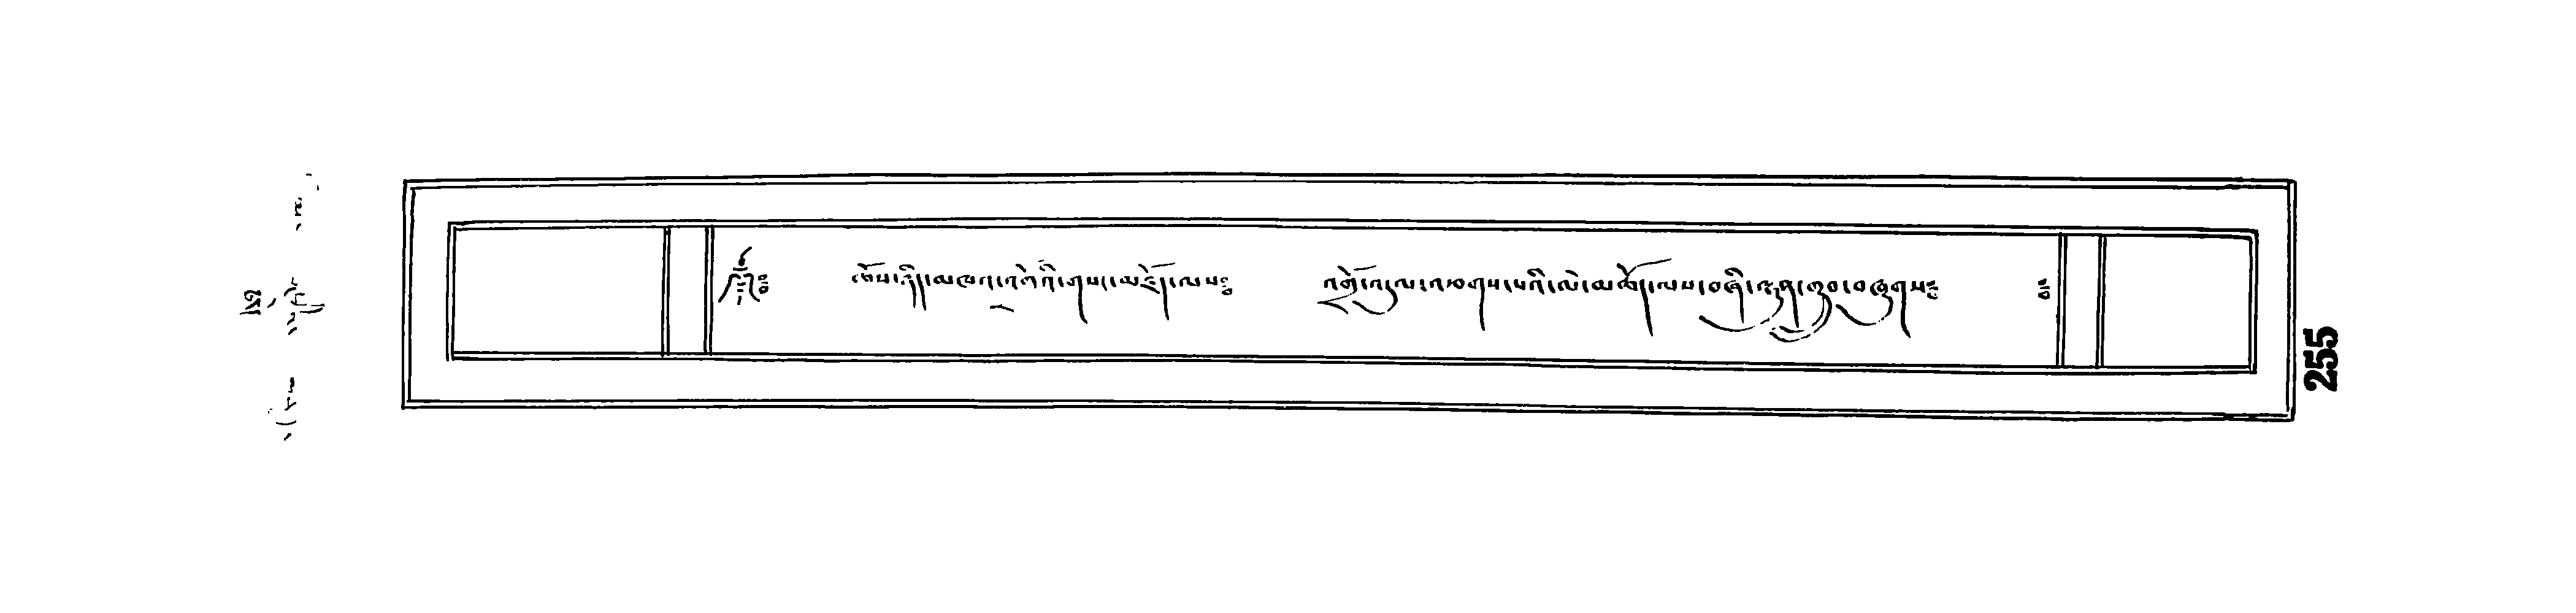ཆོས་ཉིད་མཁའ་འགྲོའི་གསང་མཛོད་ལས༔ འགྲོ་འདུལ་འཕགས་པའི་མེ་མཆོད་ལས་བཞི་ལྷུན་གྲུབ་བཞུགས༔